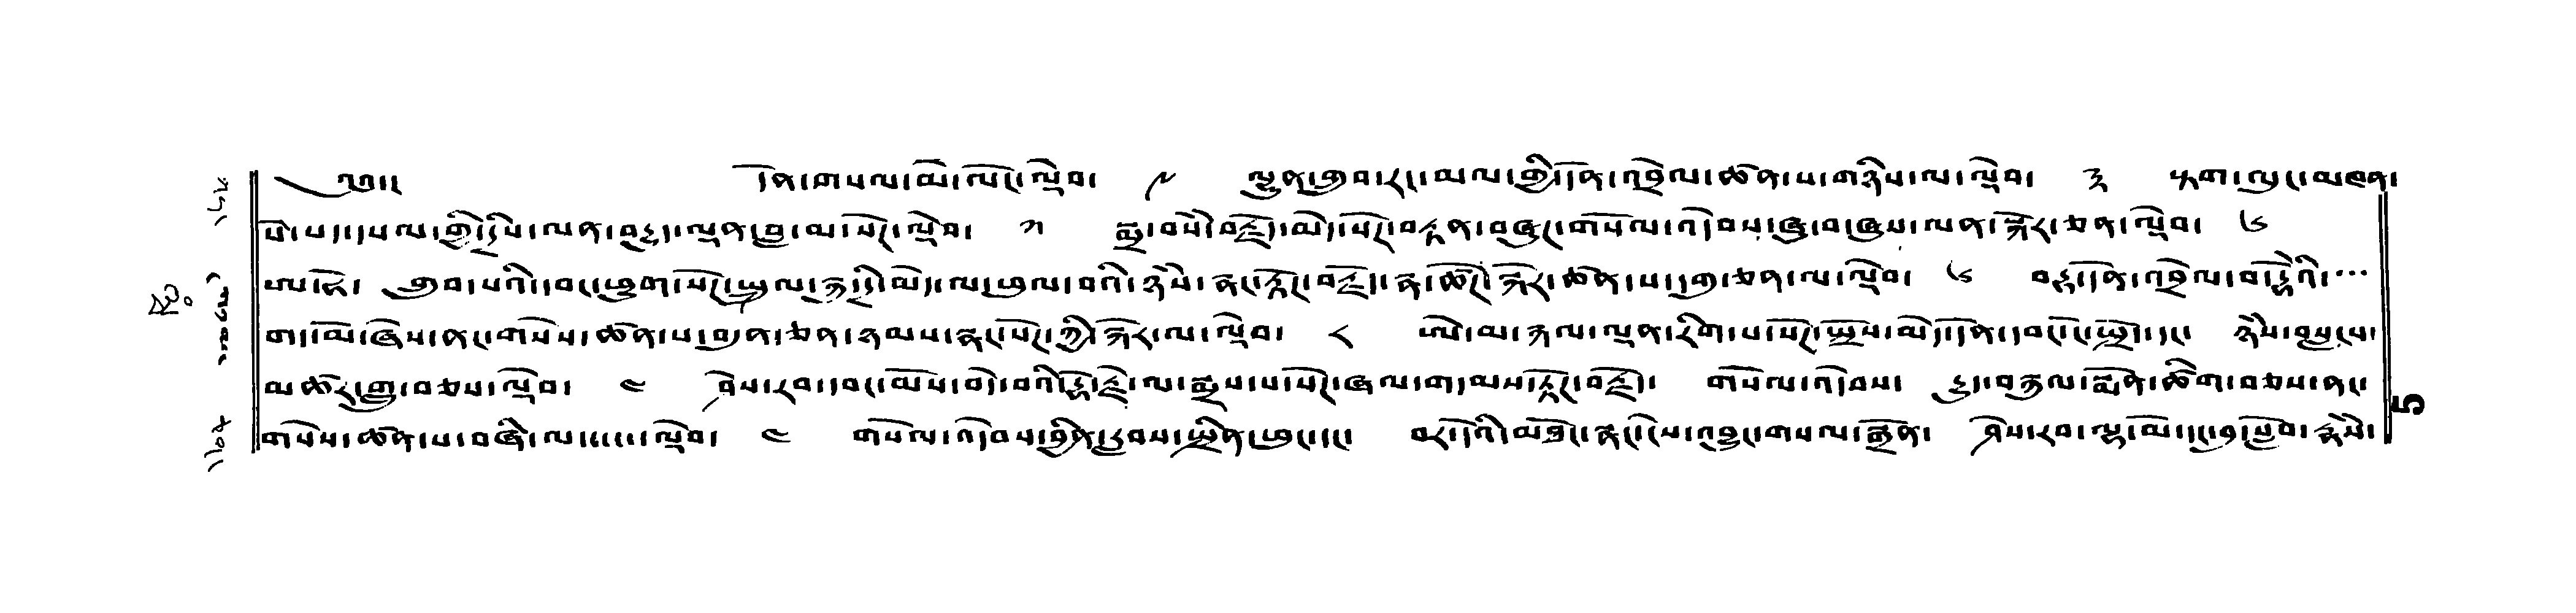དོན་གསལ་མེ་ལོང་ལྡེབ།ལྷུན་གྲུབ་རང་མལ་གྱི་དོན་འབྲེལ་ཚན་པ་གཉིས་ལ་ལྡེབ། སྟག་ལུང་མཁན་
པོ་པད་དཔལ་གྱི་དྲིས་ལན་བརྒྱུད་ལྡན་བླ་མ་སོགས་ལྡེབ། སྨྲ་བསམ་བརྗོད་མེད་སོགས་བརྟན་བཞུགས་གསོལ་འདེབས་ཞུ་བ་ཞུས་ལན་སྐོར་ཅན་ལྡེབ། 
ཨ་ཧོ། གྲུབ་པའི་དབང་ཕྱུག་སོགས་སྤྲུལ་སྐུ་དྲི་མེད་ལ་ཕུལ་བའི་ཉམས་སྣང་རྟོགས་བརྗོད་སྣ་ཚོགས་སྐོར་ཚན་པ་དགུ་ཅན་ལ་ལྡེབ། བརྡ་དོན་འབྲེལ་བ་རྡོ་རྗེའི་
གད་མོ་ཞེས་ནང་གསེས་ཚན་པ་བདུན་ཅན་ཉམས་སྣང་སོགས་ཀྱི་སྐོར་ལ་ལྡེབ། ཨེ་མ་སྐལ་ལྡན་རིག་པ་སོགས་སྤྲོས་མེད་དོན་དབང་ངོ་སྤྲོད་དང་། ཉམས་བླངས་
མཚར་གླུ་བཅས་ལྡེབ། ཤེས་རབ་དབང་མོས་བདེ་བའི་རྡོ་རྗེ་ལ་སྨྲས་པ་སོགས་ཞལ་གདམས་རྟོགས་བརྗོད། གསོལ་འདེབས། རྒྱུད་བསྐུལ་སྨོན་ཚིག་བཅས་ནང་
གསེས་ཚན་པ་བཞི་ལ་ལྡེབ། གསོལ་འདེབས་བྱིན་རླབས་སྤྲིན་ཕུང་དང་། བར་དོའི་མཐོང་སྣང་ངེས་འབྱུང་གསལ་སྒྲོན། ཤེས་རབ་ལྷ་མོ་དང་བུ་སློབ་རྣམས་